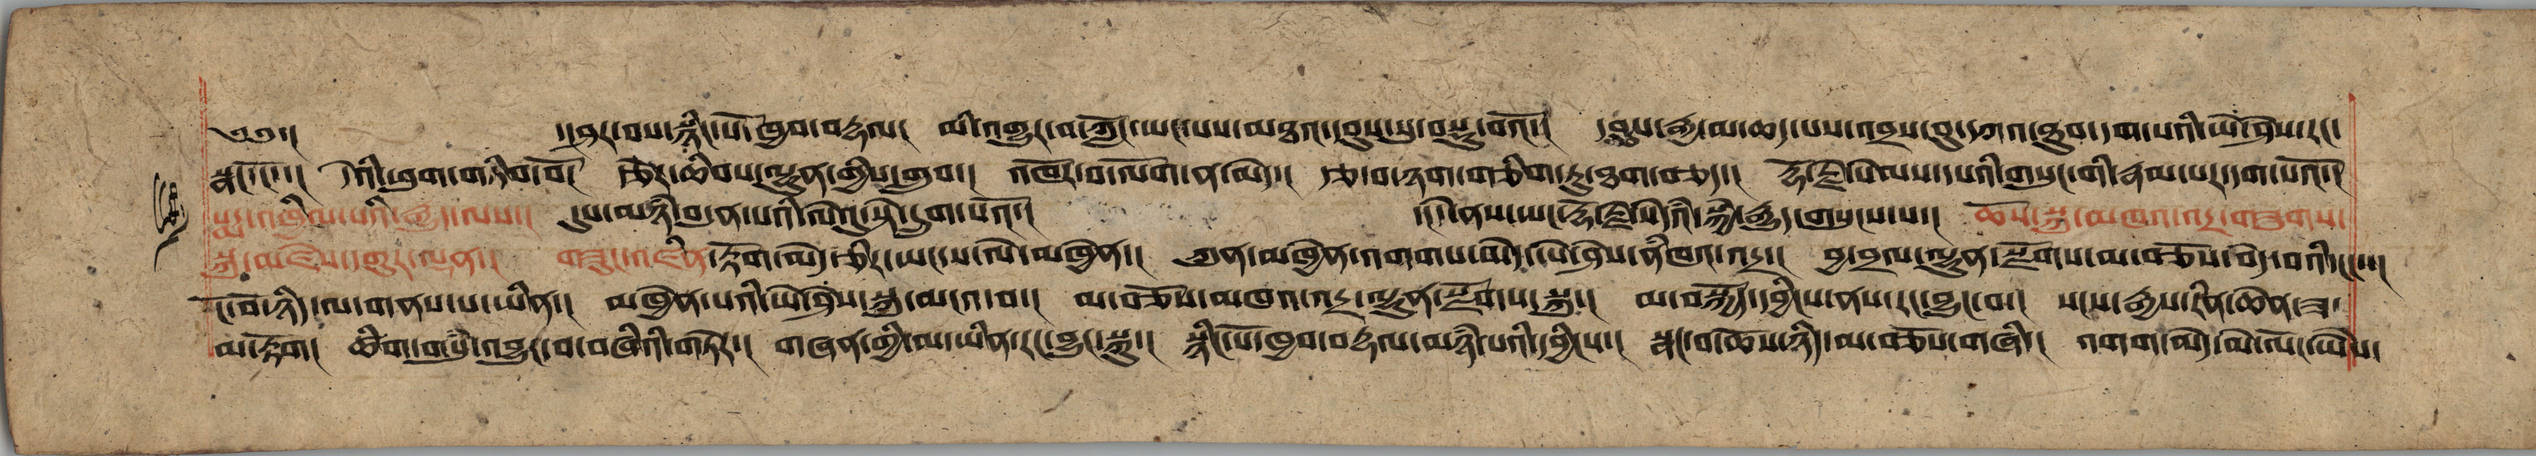༄༅་། ་།ཤར་བས་སྙིང་པོ་ཁྱབ་བརྡལ། མི་འགྱུར་བ་ཀློང་ཡང་པས་མཐའ་དབུས་སུ་བསྡུ་བའོ་། དབུས་རྒྱ་མ་ཆད་པས་འབྲས་བུ་དཀའ་ཐུབ་དག་པའི་ཡེ་ཤེས་རང་
སྣང་ངོ་། དེའི་ཕུག་གཏིབ་བོ། རྩེར་ཆིབས་ལྷུན་གྱིས་གྲུབ་། འཁོར་བ་ལོག་ན་མེད་། རྩ་བ་ཉག་གཅིག་ཏུ་ཐག་བཅད་། རྡོ་རྗེ་སེམས་དཔའི་གསུང་གི་རྣམ་པར་དག་པའོ་།
པདྨ་འཁྱིལ་པའི་རྒྱུད་ལས་། དུས་མཉཾ་བདུན་པའི་ལེའུ་སྟེ་དྲུག་པའོ་། ་།དེ་ནས་ཡང་རྡོ་རྗེ་སེདའཾ་སྐྱེ་རྒྱུད་གསུངས་པ་། ཆོས་སྐུ་མཁའ་འདྲ་གཟུགས་
སྐུ་མཛེས་དགུར་ལྡན་། གཟུང་འཛིན་རྟོག་མེད་ཅིར་ཡང་ས་ལེ་མཁྱེན་། ཀུན་མཁྱེན་འགགས་མེད་ངེས་ཤེས་ནཾཁའ་འདྲ་། བྱ་བྲལ་ལྷུན་སྫོགས་མ་བཅོས་བདེ་བའི་ངང་་།
ངོ་བོ་ཉིད་ལ་གནས་པ་ཡིན་། མཁྱེན་པའི་ཡེ་ཤེས་སྐུ་མངའ་བ་། མ་བཅོས་མཁའ་འདྲ་ལྷུན་སྫོགས་སྐུ་། མ་བསྐྱོད་དབྱིངས་ནས་རང་བྱུང་བ་། སངས་རྒྱས་རིན་ཆེན་ཟ་
མ་རྟོག། ཚིག་གསུཾ་འབྱུང་བ་བཞིའི་གཏེར་། གཞན་གྱི་མ་ཡིན་རང་བྱུང་སྐུ་། སྙིང་པོ་ཁྱབ་བརྡལ་མཉཾ་པའི་དབྱིངས་། སྣང་བ་ཆོས་ཉིད་མ་བཅོས་གཞི་། འགག་མེད་མེ་ལོང་ཡཻས་